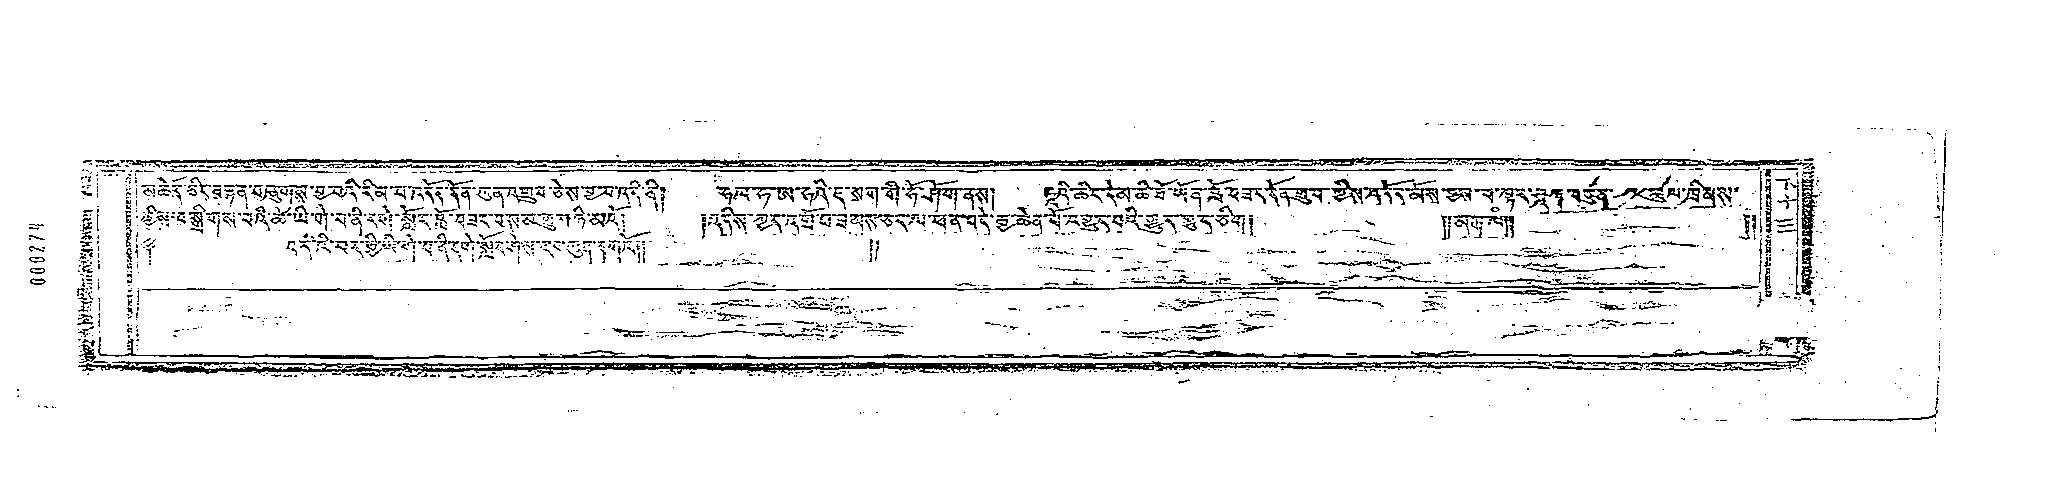མཆོད་ཅིང་བརྟན་བཞུགས་བྱ་བའི་རིམ་པ་འདོད་དོན་ཀུན་འགྲུབ་ཅེས་བྱ་བ་འདི་ནི། །ཧ་ལ་ཧ་ཨ་ཧའི་ཇ་སག་གི་ཧོ་ཤོག་ནས། ཏཱའི་ཆིང་དེ་མཆི་ཐོ་ཡོན་བློ་བཟང་དོན་གྲུབ་ཀྱིས་འདོད་མོས་བྱས་པ་ལྟར་ཤཱ་ག་བཙུན་༧་ཚུ་འཁྲིམས་
ཀྱིས་བསྒྲིགས་པའི་ཚེ་ཡི་གེ་བ་ནི་དགེ་སློང་བློ་བཟང་བསམ་གྲུབ་ཉི་མའོ། །འདིས་ཀྱང་འགྲོ་བ་ཐམས་ཅད་ལ་ཕན་བདེ་རྒྱ་ཆེན་པོ་འབྱུང་བའི་རྒྱུར་གྱུར་ཅིག། །།མངྒ་ལཾ།། །།